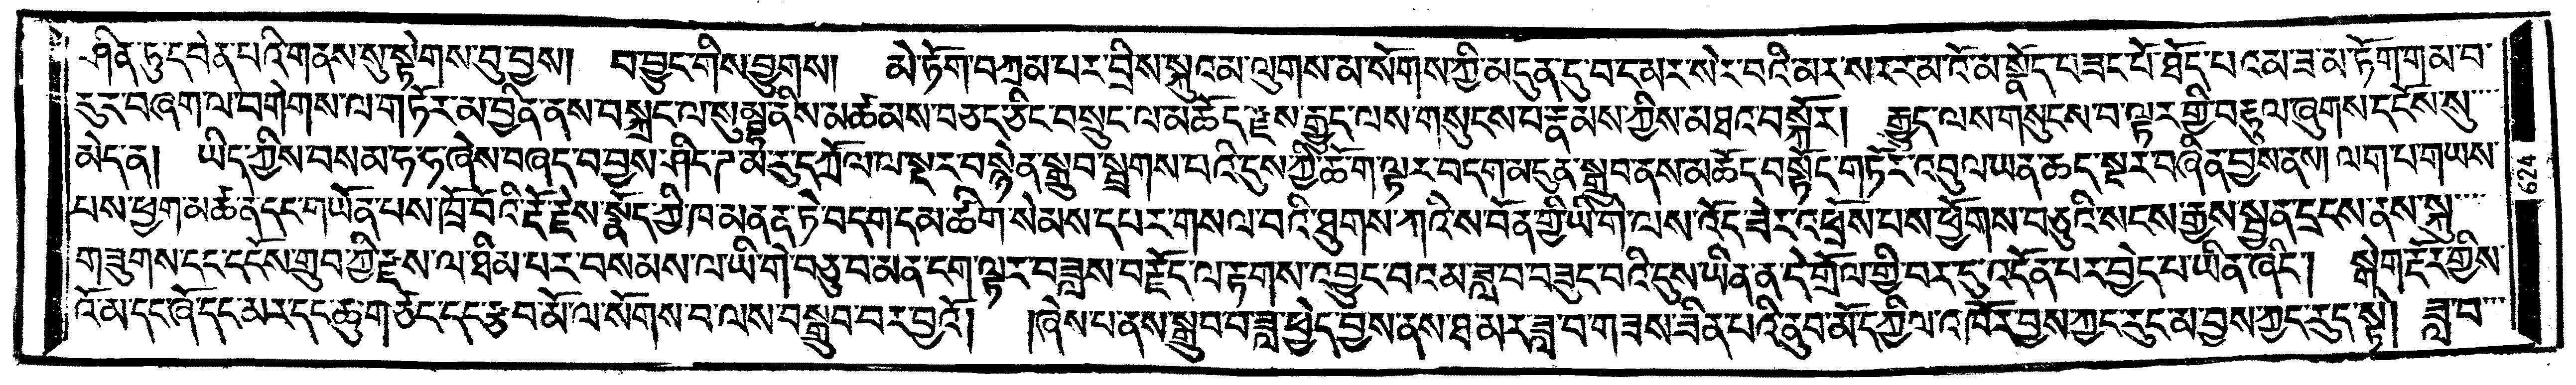ཤིན་ཏུ་དབེན་པའི་གནས་སུ་སྟེགས་བུ་བྱས། བ་བྱུང་གིས་བྱུགས། མེ་ཏོག་བཀྲམ་པར་བྲིས་སྐུའམ་ལུགས་མ་སོགས་ཀྱི་མདུན་དུ་བ་དམར་སེར་བའི་མར་སར་རམ་འོ་མ་སྣོད་བཟང་པོ་ཐོད་པའམ་ཟ་མ་ཏོག་གམ་བ་
རུར་བཞག་ལ་བགེགས་ལ་གཏོར་མ་བྱིན་ནས་བསྐྲད་ལ་སུམྦྷ་ནི་ས་མཚམས་བཅད་ཅིང་བསྲུང་ལ་མཆོད་རྫས་རྒྱུད་ལས་གསུངས་པ་རྣམས་ཀྱིས་མཐའ་བསྐོར། རྒྱུད་ལས་གསུངས་བ་ལྟར་གྱི་བརྟུལ་ཞུགས་དངོས་སུ་
མེད་ན། ཡིད་ཀྱིས་བསམ་ཧ་ཧ་ཞེས་བཞད་བ་བྱས་ཤིང་ཌ་མ་རུ་དཀྲོལ་ལ་སྔར་བསྙེན་སྒྲུབ་སྦྲགས་པའི་དུས་ཀྱི་ཆོ་ག་ལྟར་བདག་མདུན་སྒྲུབ་ནས་མཆོད་བསྟོད་གཏོར་འབུལ་ཡན་ཆད་སྔར་བཞིན་བྱས་ནས། ལག་པ་གཡས་
པས་ཕྱག་མཚན་དང་གཡོན་པས་ཁྲོ་བོའི་རྡོ་རྗེས་སྣོད་ཀྱི་ཁ་མནན་ཏེ་བདག་དམ་ཚིག་སེམས་དཔར་གསལ་བའི་ཐུགས་ཀའི་ས་བོན་གྱི་ཡི་གེ་ལས་འོད་ཟེར་འཕྲོས་པས་ཕྱོགས་བཅུའི་སངས་རྒྱས་སྤྱན་དྲངས་ནས་སྐུ་
གཟུགས་དང་དངོས་གྲུབ་ཀྱི་རྫས་ལ་ཐིམ་པར་བསམས་ལ་ཡི་གེ་བཅུ་བ་མན་ངག་ལྟར་བཟླས་བརྗོད་ལ་རྟགས་འབྱུང་བའམ་ཟླ་བ་བཟུང་བའི་དུས་ཡིན་ན་དེ་གྲོལ་གྱི་བར་དུ་འདོན་པར་བྱེད་པ་ཡིན་ཞིང་། སྒེག་རྡོར་གྱིས་
འོ་མ་དང་ཞོ་དང་མར་དང་ཆུ་གཙང་དང་རྩ་བ་མོ་ལ་སོགས་བ་ལས་བསྒྲུབ་བར་བྱའོ། །ཞེས་པ་ནས་སྒྲུབ་བཟླ་ཕྱེད་བྱས་ནས་ཐ་མར་ཟླ་བ་གཟས་ཟིན་པའི་ནུབ་མོ་དཀྱིལ་འཁོར་བྱས་ཀྱང་རུང་མ་བྱས་ཀྱང་རུང་སྟེ། ཟླ་བ་